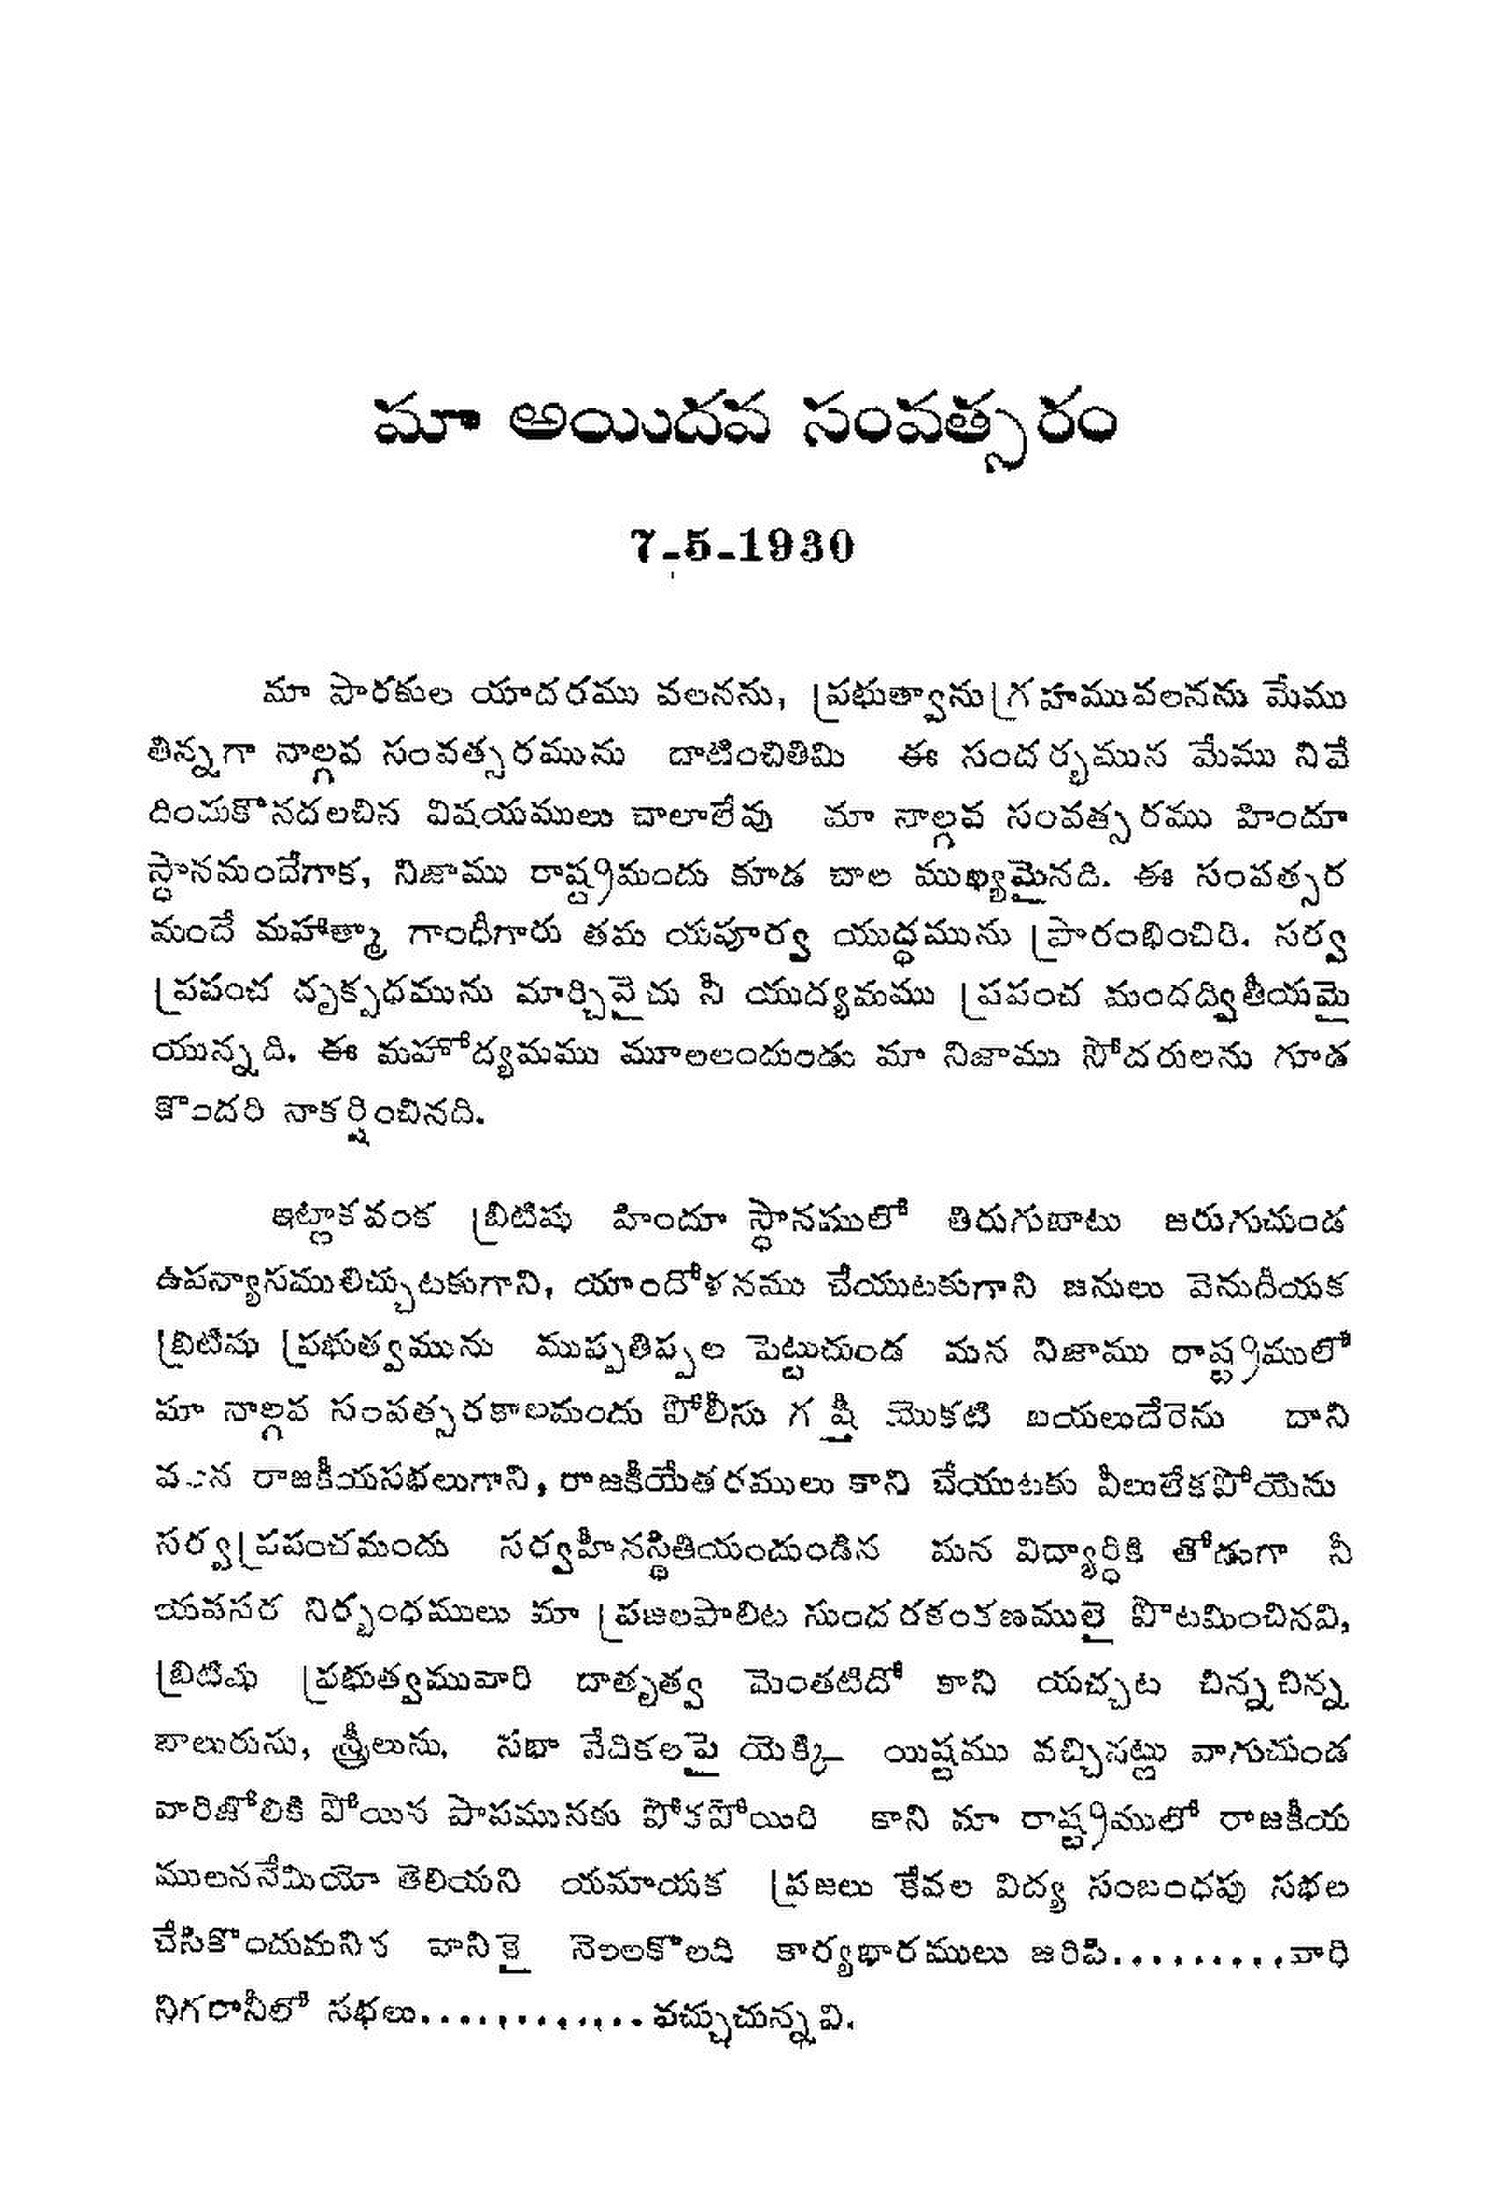మా అయిదవ సంవత్సరం

7 - 5 - 1930

మా పాఠకుల యాదరము వలనను, ప్రభుత్వానుగ్రహమువలనను మేము తిన్నగా నాల్గవ సంవత్సరమును దాటించితిమి ఈ సందర్భమున మేము నివేదించుకొనదలచిన విషయములు చాలాలేవు మా నాల్గవ సంవత్సరము హిందూస్థానమందేగాక, నిజాము రాష్ట్రమందు కూడ చాల ముఖ్యమైనది. ఈ సంవత్సరమందే మహాత్మా గాంధీగారు తమ యపూర్వ యుద్ధమును ప్రారంభించిరి. సర్వ ప్రపంచ దృక్పధమును మార్చివైచు నీ యుద్యమము ప్రపంచ మందద్వితీయమై యున్నది. ఈ మహోద్యమము మూలలందుండు మా నిజాము సోదరులను గూడ
కొందరి నాకర్షించినది.

ఇట్లాకవంక బ్రిటిషు హిందూ స్థానములో తిరుగుబాటు జరుగుచుండ ఉపన్యాసములిచ్చుటకుగాని, యాందోళనము చేయుటకుగాని జనులు వెనుదీయక బ్రిటిషు ప్రభుత్వమును ముప్పతిప్పల పెట్టుచుండ మన నిజాము రాష్ట్రములో
మా నాల్గవ సంవత్సరకాలమందు పోలీసు గష్తీ యొకటి బయలుదేరెను దాని వలన రాజకీయసభలుగాని, రాజకీయేతరములు కాని చేయుటకు వీలులేకపోయెను సర్వప్రపంచమందు సర్వహీనస్థితియందుండిన మన విద్యార్ధికి తోడుగా నీ యవసర నిర్బంధములు మా ప్రజలపాలిట సుందరకంకణములై పొటమించినవి, బ్రిటిషు ప్రభుత్వమువారి దాతృత్వ మెంతటిదో కాని యచ్చట చిన్న చిన్న బాలురుసు, స్త్రీలును, సభా వేదికలపై యెక్కి యిష్టము వచ్చినట్లు వాగుచుండ వారిజోలికి పోయిన పాపమునకు పోకపోయిరి కాని మా రాష్ట్రములో రాజకీయములననేమియో తెలియని యమాయక ప్రజలు కేవల విద్య సంబంధపు సభల చేసికొందుమనిన వానికై నెలలకొలది కార్యభారములు జరిపి.............వారినిగరానీలో సభలు............. వచ్చుచున్నవి.